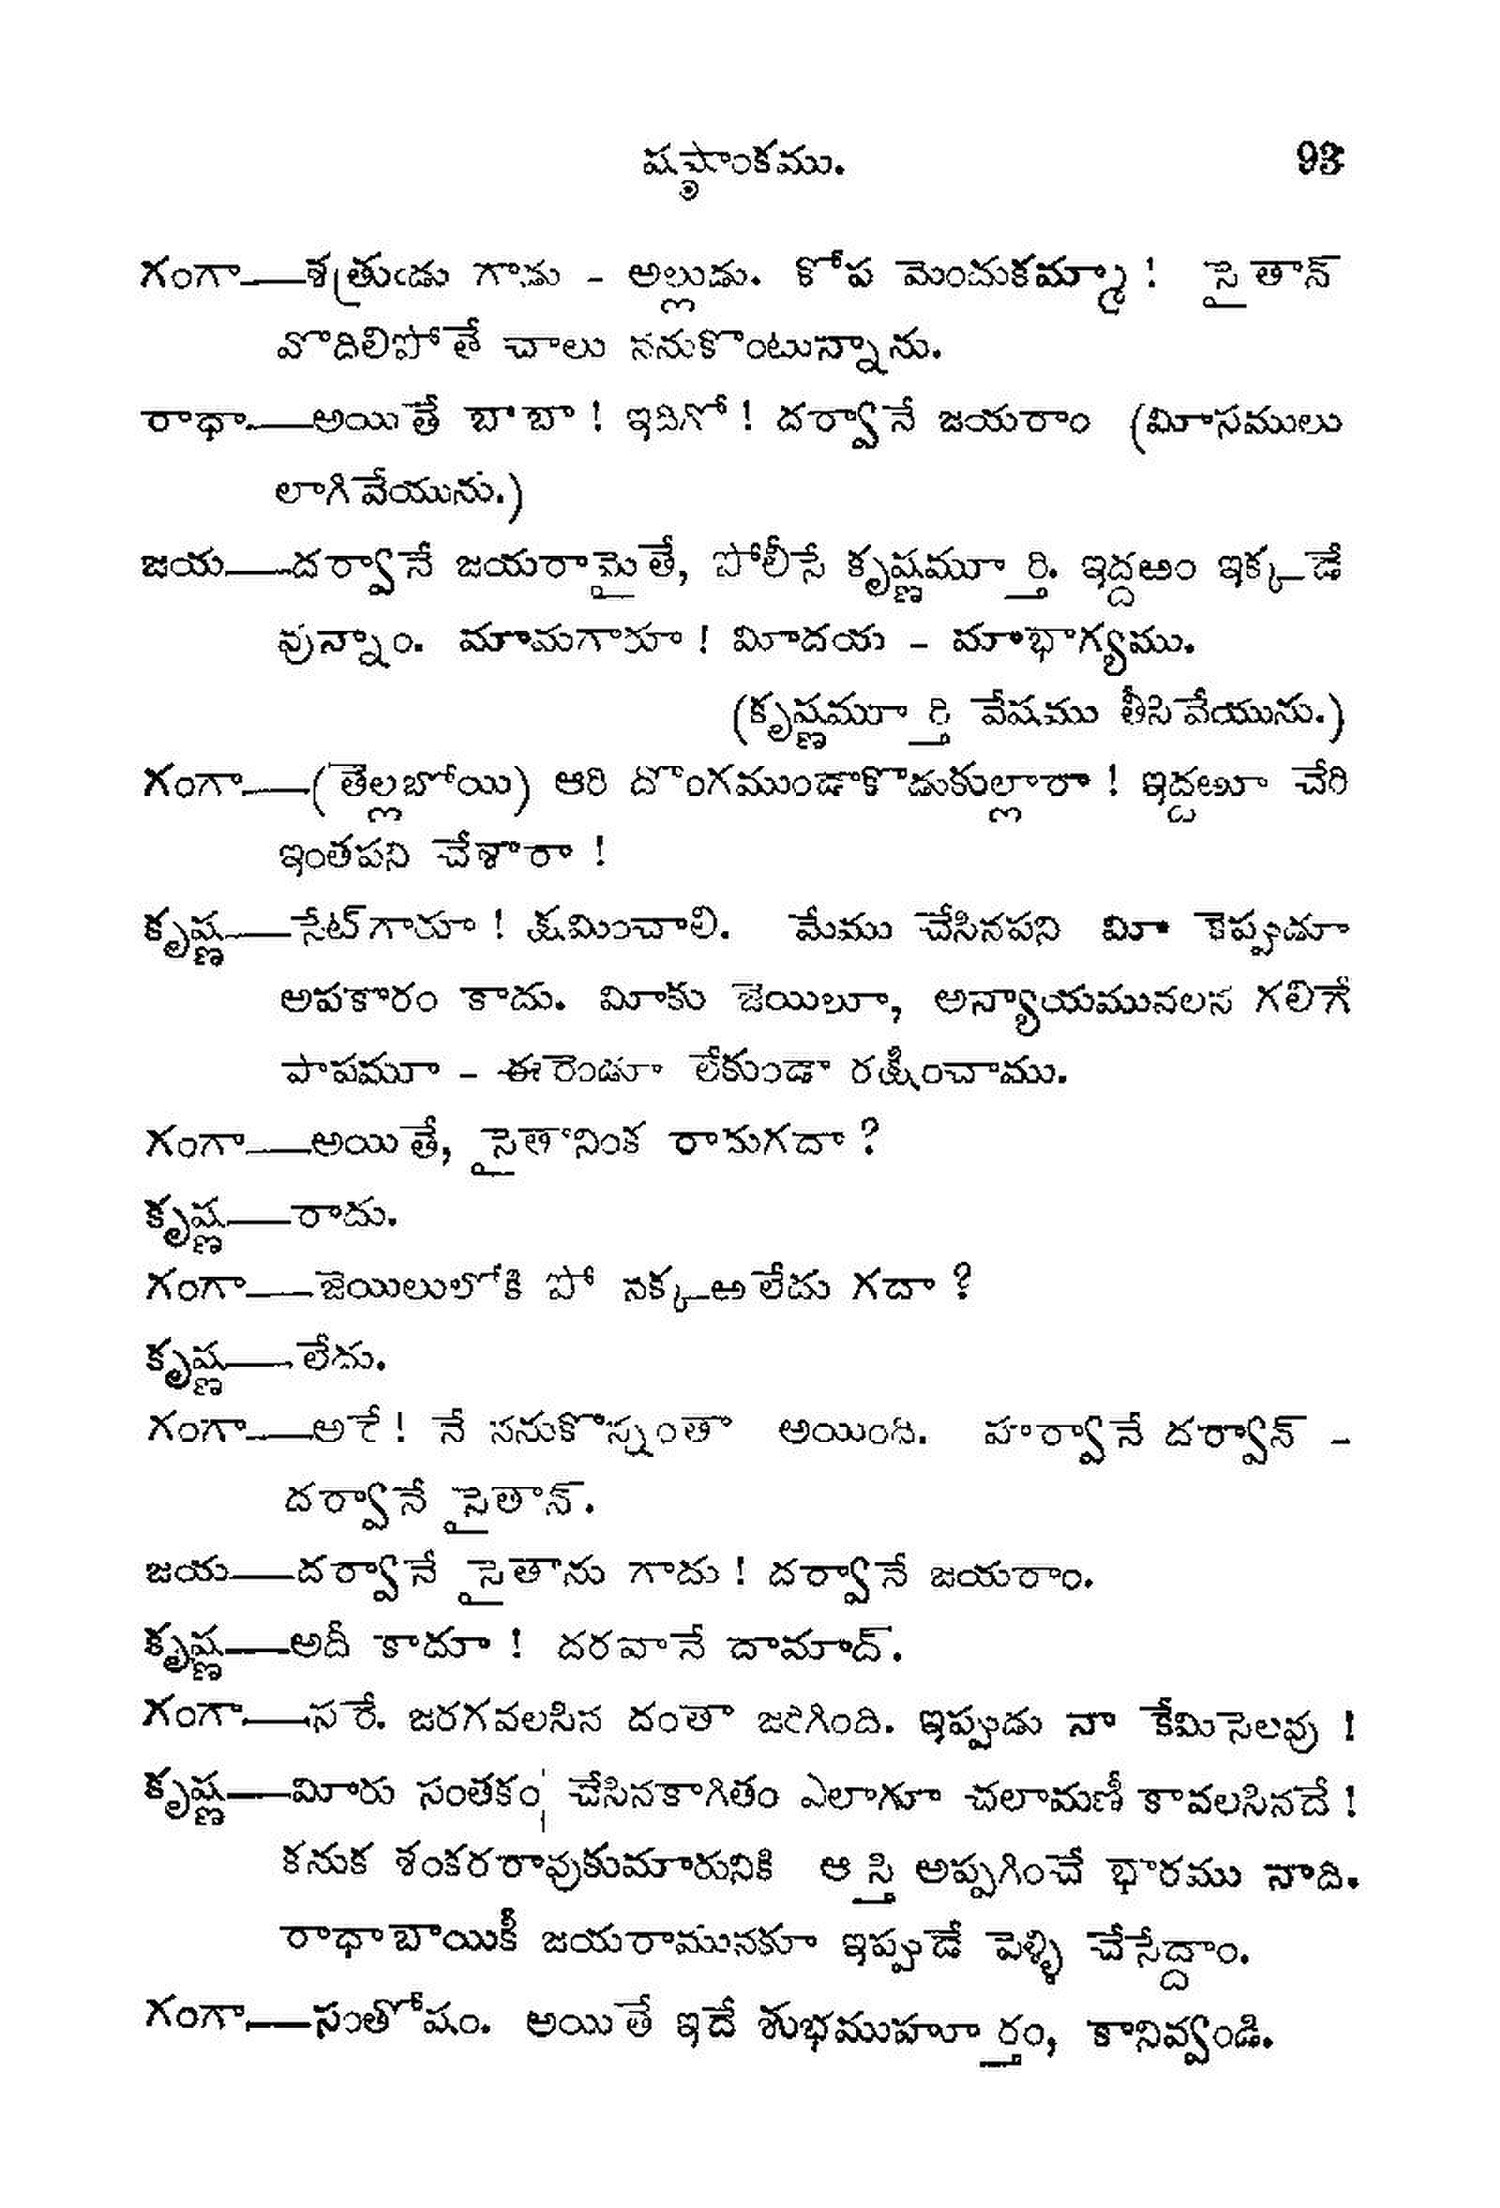గంగా - శత్రుఁడు గాడు - అల్లుడు. కోప మెందుకమ్మా! సైతాన్ వొదిలిపోతే చాలు ననుకొంటున్నాను.

రాధా - అయితే బాబా ! ఇదిగో ! దర్వానే జయరాం (మీసములు లాగివేయును.)

జయ - దర్వానే జయరామైతే, పోలీసే కృష్ణమూర్తి. ఇద్దఱం ఇక్కడే వున్నాం. మామగారూ ! మీదయ - మాభాగ్యము.

గంగా - ( తెల్లబోయి) ఆరి దొంగముండాకొడుకుల్లారా ! ఇద్దఱూ చేరి ఇంతపని చేశారా!

కృష్ణ - సేట్‌గారూ ! క్షమించాలి. మేము చేసినపని మీ కెప్పుడూ అపకారం కాదు. మీకు జెయిలూ, అన్యాయమువలన గలిగే పాపమూ - ఈరెండూ లేకుండా రక్షించాము.

గంగా - అయితే, సైతానింక రాదుగదా ?

కృష్ణ - రాదు.

గంగా - జెయిలులోకి పో నక్కఱలేదు గదా?

కృష్ణ - లేదు.

గంగా - అరే ! నే ననుకొన్నంతా అయింది. హర్వానే దర్వాన్ - దర్వానే సైతాన్.

జయ - దర్వానే సైతాను గాదు ! దర్వానే జయరాం.

కృష్ణ - అదీ కాదూ ! దరవానే దామాద్.

గంగా - సరే. జరగవలసిన దంతా జరిగింది. ఇప్పుడు నా కేమిసెలవు !

కృష్ణ — మీరు సంతకం చేసినకాగితం ఎలాగూ చలామణీ కావలసినదే ! కనుక శంకరరావు కుమారునికి ఆస్తి అప్పగించే భారము నాది. రాధాబాయికీ జయరామునకూ ఇప్పుడే పెళ్ళి చేసేద్దాం.

గంగా - సంతోషం. అయితే ఇదే శుభముహూర్తం, కానివ్వండి.